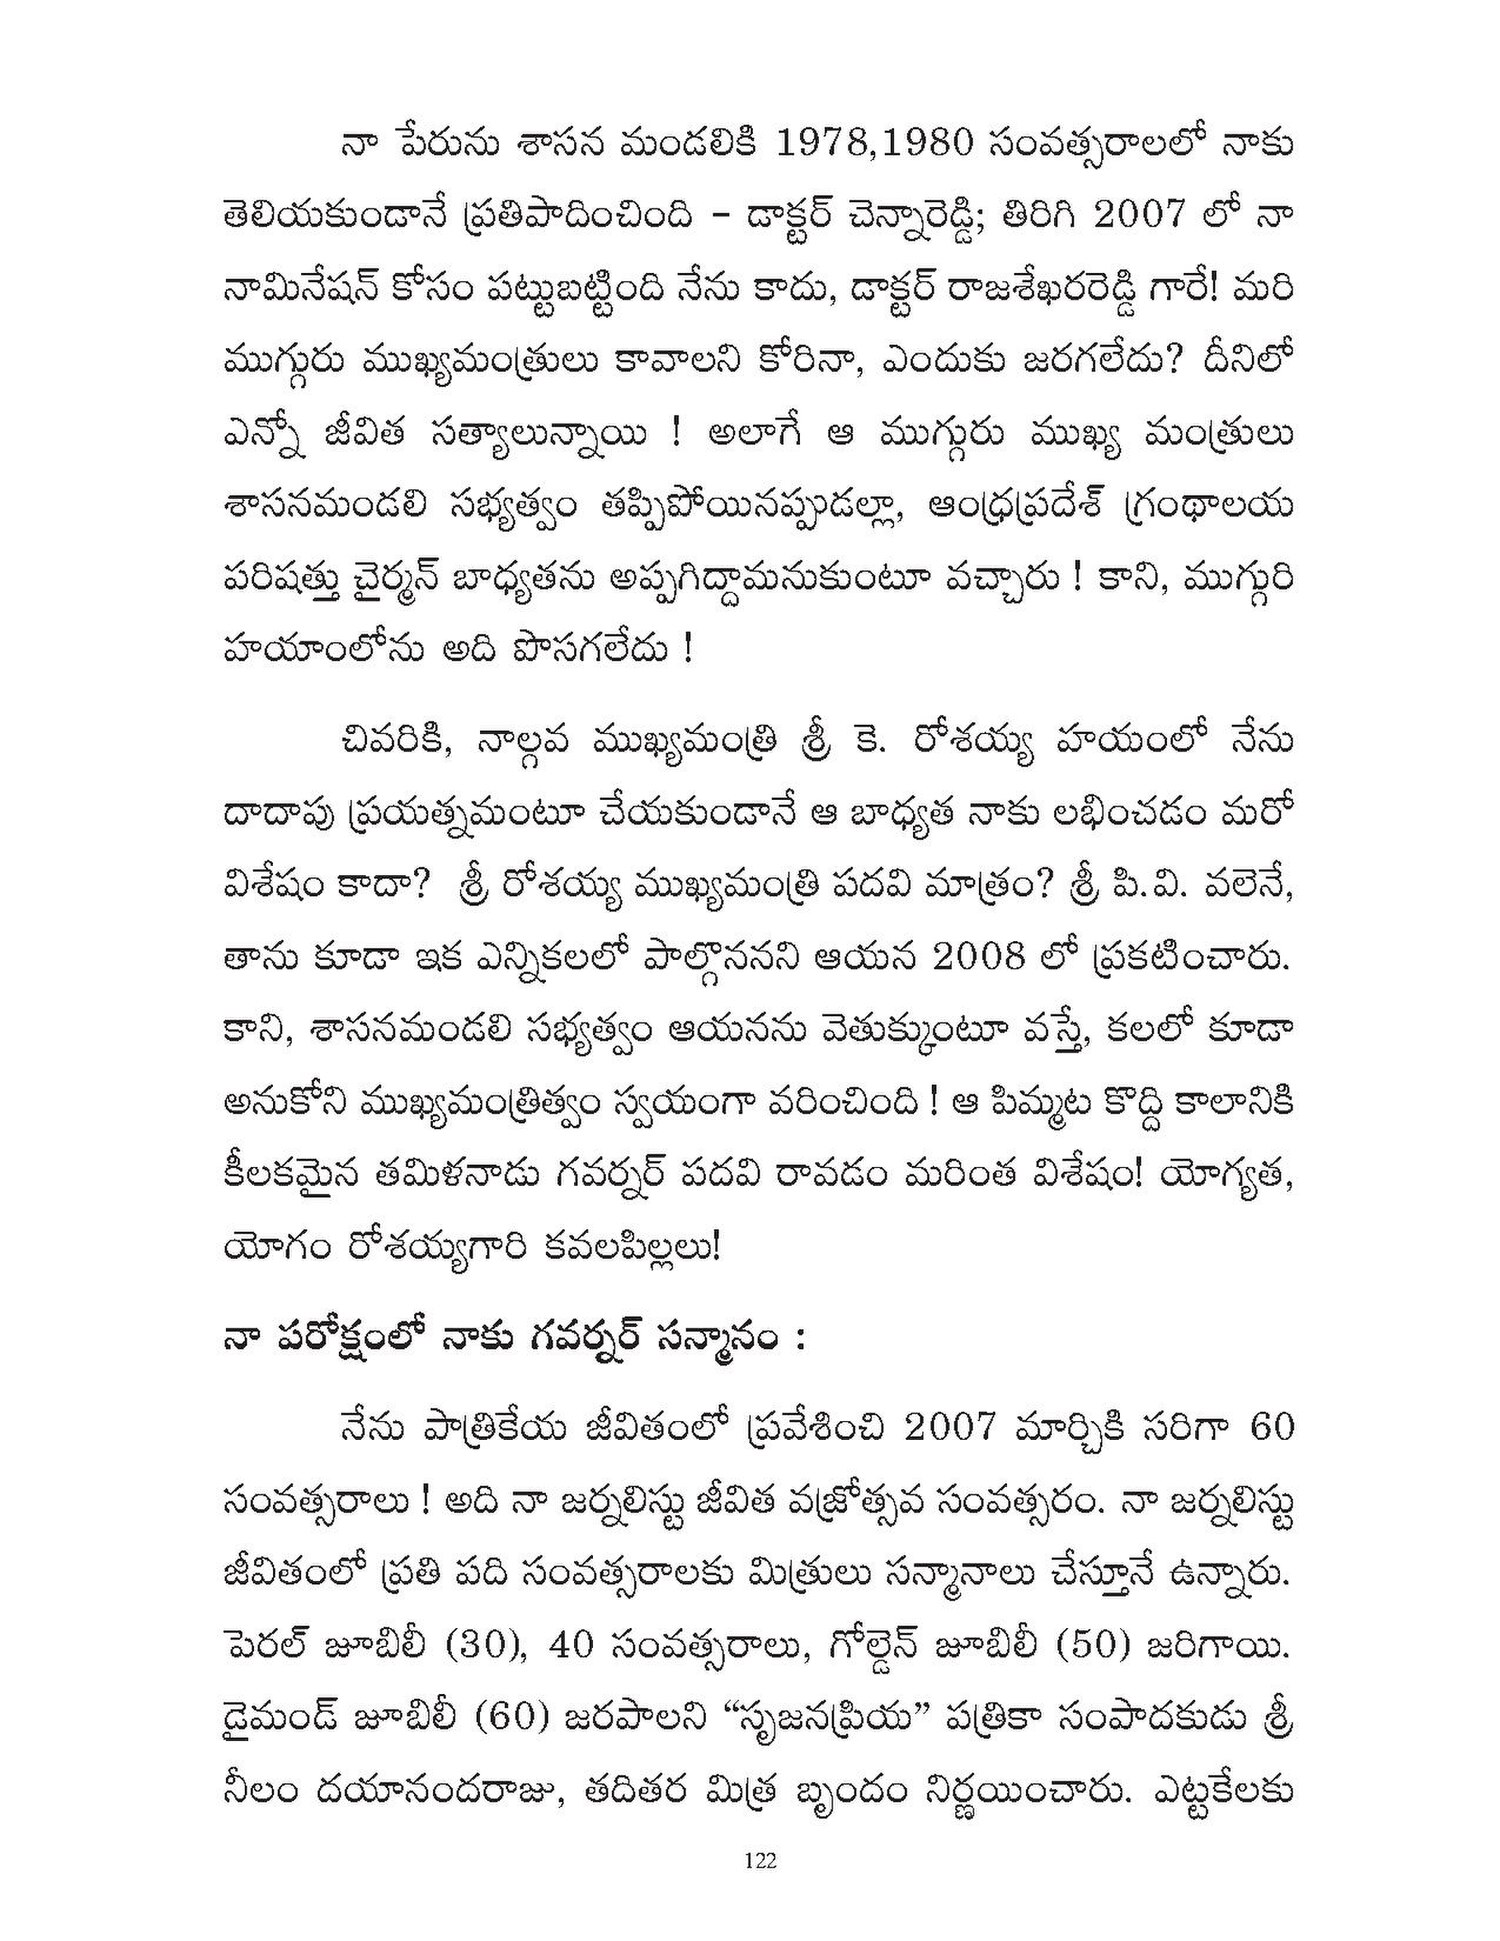నా పేరును శాసన మండలికి 1978, 1980 సంవత్సరాలలో నాకు
తెలియకుండానే ప్రతిపాదించింది - డాక్టర్ చెన్నారెడ్డి; తిరిగి 2007 లో నా
నామినేషన్‌ కోసం పట్టుబట్టింది నేను కాదు, డాక్టర్ రాజశేఖరరెడ్డి గారే! మరి
ముగ్గురు ముఖ్యమంత్రులు కావాలని కోరినా, ఎందుకు జరగలేదు? దీనిలో
ఎన్నో జీవిత సత్యాలున్నాయి! అలాగే ఆ ముగ్గురు ముఖ్య మంత్రులు
శాసనమండలి సభ్యత్వం తప్పిపోయినప్పుడల్లా, ఆంధ్రప్రదేశ్‌ గ్రంథాలయ
పరిషత్తు చైర్మన్‌ బాధ్యతను అప్పగిద్దామనుకుంటూ వచ్చారు! కాని, ముగ్గురి
హయాంలోను అది పొసగలేదు!

చివరికి, నాల్గవ ముఖ్యమంత్రి శ్రీ కె. రోశయ్య హయంలో నేను
దాదాపు ప్రయత్నమంటూ చేయకుండానే ఆ బాధ్యత నాకు లభించడం మరో
విశేషం కాదా? శ్రీ రోశయ్య ముఖ్యమంత్రి పదవి మాత్రం? శ్రీ పి.వి. వలెనే,
తాను కూడా ఇక ఎన్నికలలో పాల్గొననని ఆయన 2008 లో ప్రకటించారు.
కాని, శాసనమండలి సభ్యత్వం ఆయనను వెతుక్కుంటూ వస్తే, కలలో కూడా
అనుకోని ముఖ్యమంత్రిత్వం స్వయంగా వరించింది! ఆ పిమ్మట కొద్ది కాలానికి
కీలకమైన తమిళనాడు గవర్నర్‌ పదవి రావడం మరింత విశేషం! యోగ్యత,
యోగం రోశయ్యగారి కవలపిల్లలు!

నా పరోక్షంలో నాకు గవర్నర్‌ సన్మానం :

నేను పాత్రికేయ జీవితంలో ప్రవేశించి 2007 మార్చికి సరిగా 60
సంవత్సరాలు ! అది నా జర్నలిస్టు జీవిత వజ్రోత్సవ సంవత్సరం. నా జర్నలిస్టు
జీవితంలో ప్రతి పది సంవత్సరాలకు మిత్రులు సన్మానాలు చేస్తూనే ఉన్నారు.
పెరల్‌ జుబిలీ (30), 40 సంవత్సరాలు, గోల్డెన్‌ జుబిలీ (50) జరిగాయి.
డైమండ్‌ జుబిలీ (60) జరపాలని "సృజనప్రియ" పత్రికా సంపాదకుడు శ్రీ
నీలం దయానందరాజు, తదితర మిత్ర బృందం నిర్ణయించారు. ఎట్టకేలకు